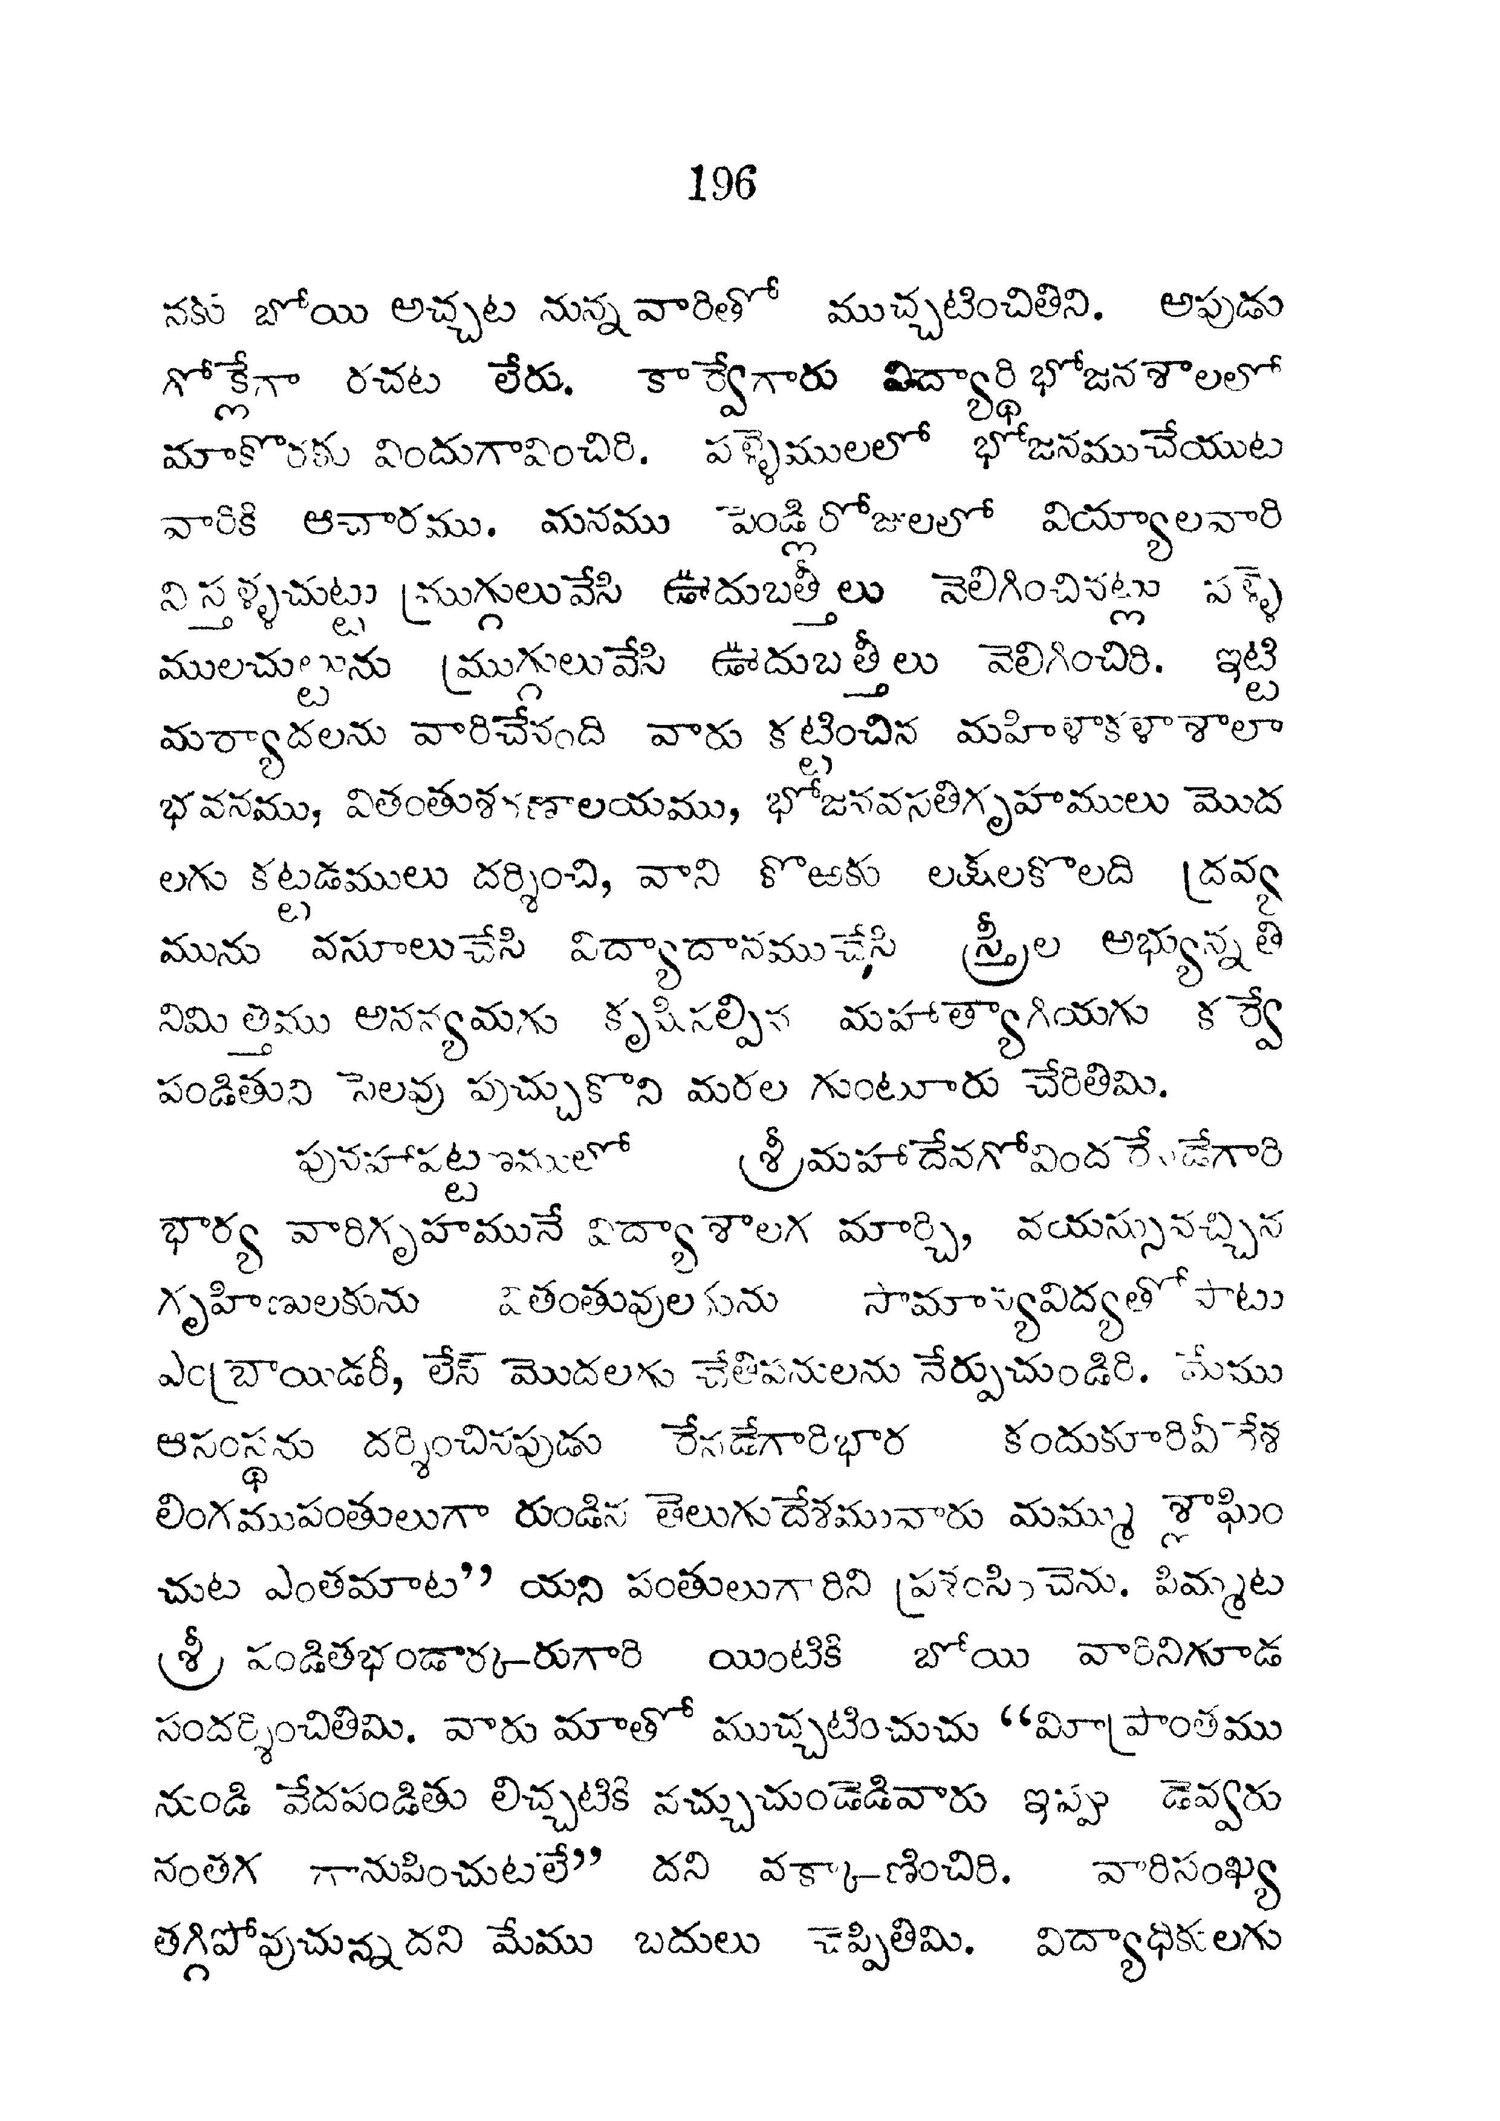నకు బోయి అచ్చట నున్నవారితో ముచ్చటించితిని. అపుడు గోక్లేగా రచట లేరు. కార్వేగారు విద్యార్థి భోజనశాలలో మాకొరకు విందుగావించిరి. పళ్ళెములలో భోజనముచేయుట వారికి ఆచారము. మనము పెండ్లిరోజులలో వియ్యాలవారి విస్తళ్ళచుట్టు మ్రుగ్గులువేసి ఊదుబత్తీలు వెలిగించినట్లు పళ్ళెములచుట్టును మ్రుగ్గులువేసి ఊదుబత్తీలు వెలిగించిరి. ఇట్టి మర్యాదలను వారిచేనంది వారు కట్టించిన మహిళాకళాశాలా భవనము, వితంతుశరణాలయము, భోజనవసతిగృహములు మొదలగు కట్టడములు దర్శించి, వాని కొఱకు లక్షలకొలది ద్రవ్యమును వసూలుచేసి విద్యాదానముచేసి స్త్రీల అభ్యున్నతి నిమిత్తము అనన్యమగు కృషిసల్పిన మహాత్యాగియగు కర్వేపండితుని సెలవు పుచ్చుకొని మరల గుంటూరు చేరితిమి.

పునహాపట్టణములో శ్రీమహాదేవగోవిందరేవడేగారి భార్య వారిగృహమునే విద్యాశాలగ మార్చి, వయస్సువచ్చిన గృహిణులకును వితంతువులకును సామాన్యవిద్యతో పాటు ఎంబ్రాయిడరీ, లేస్ మొదలగు చేతిపనులను నేర్పుచుండిరి. మేము ఆసంస్థను దర్శించినపుడు రేవడేగారిభార్య కందుకూరి వీరేశలింగముపంతులుగా రుండిన తెలుగుదేశమువారు మమ్ము శ్లాఘించుట ఎంతమాట" యని పంతులుగారిని ప్రశంసించెను. పిమ్మట శ్రీ పండితభండార్కరుగారి యింటికి బోయి వారినిగూడ సందర్శించితిమి. వారు మాతో ముచ్చటించుచు "మీప్రాంతము నుండి వేదపండితుడు లిచ్చటికి వచ్చుచుండెడివారు ఇప్పు డెవ్వరు నంతగ గానుపించుటలే" దని వక్కాణించిరి. వారిసంఖ్య తగ్గిపోవుచున్నదని మేము బదులు చెప్పితిమి. విద్యాధికులగు